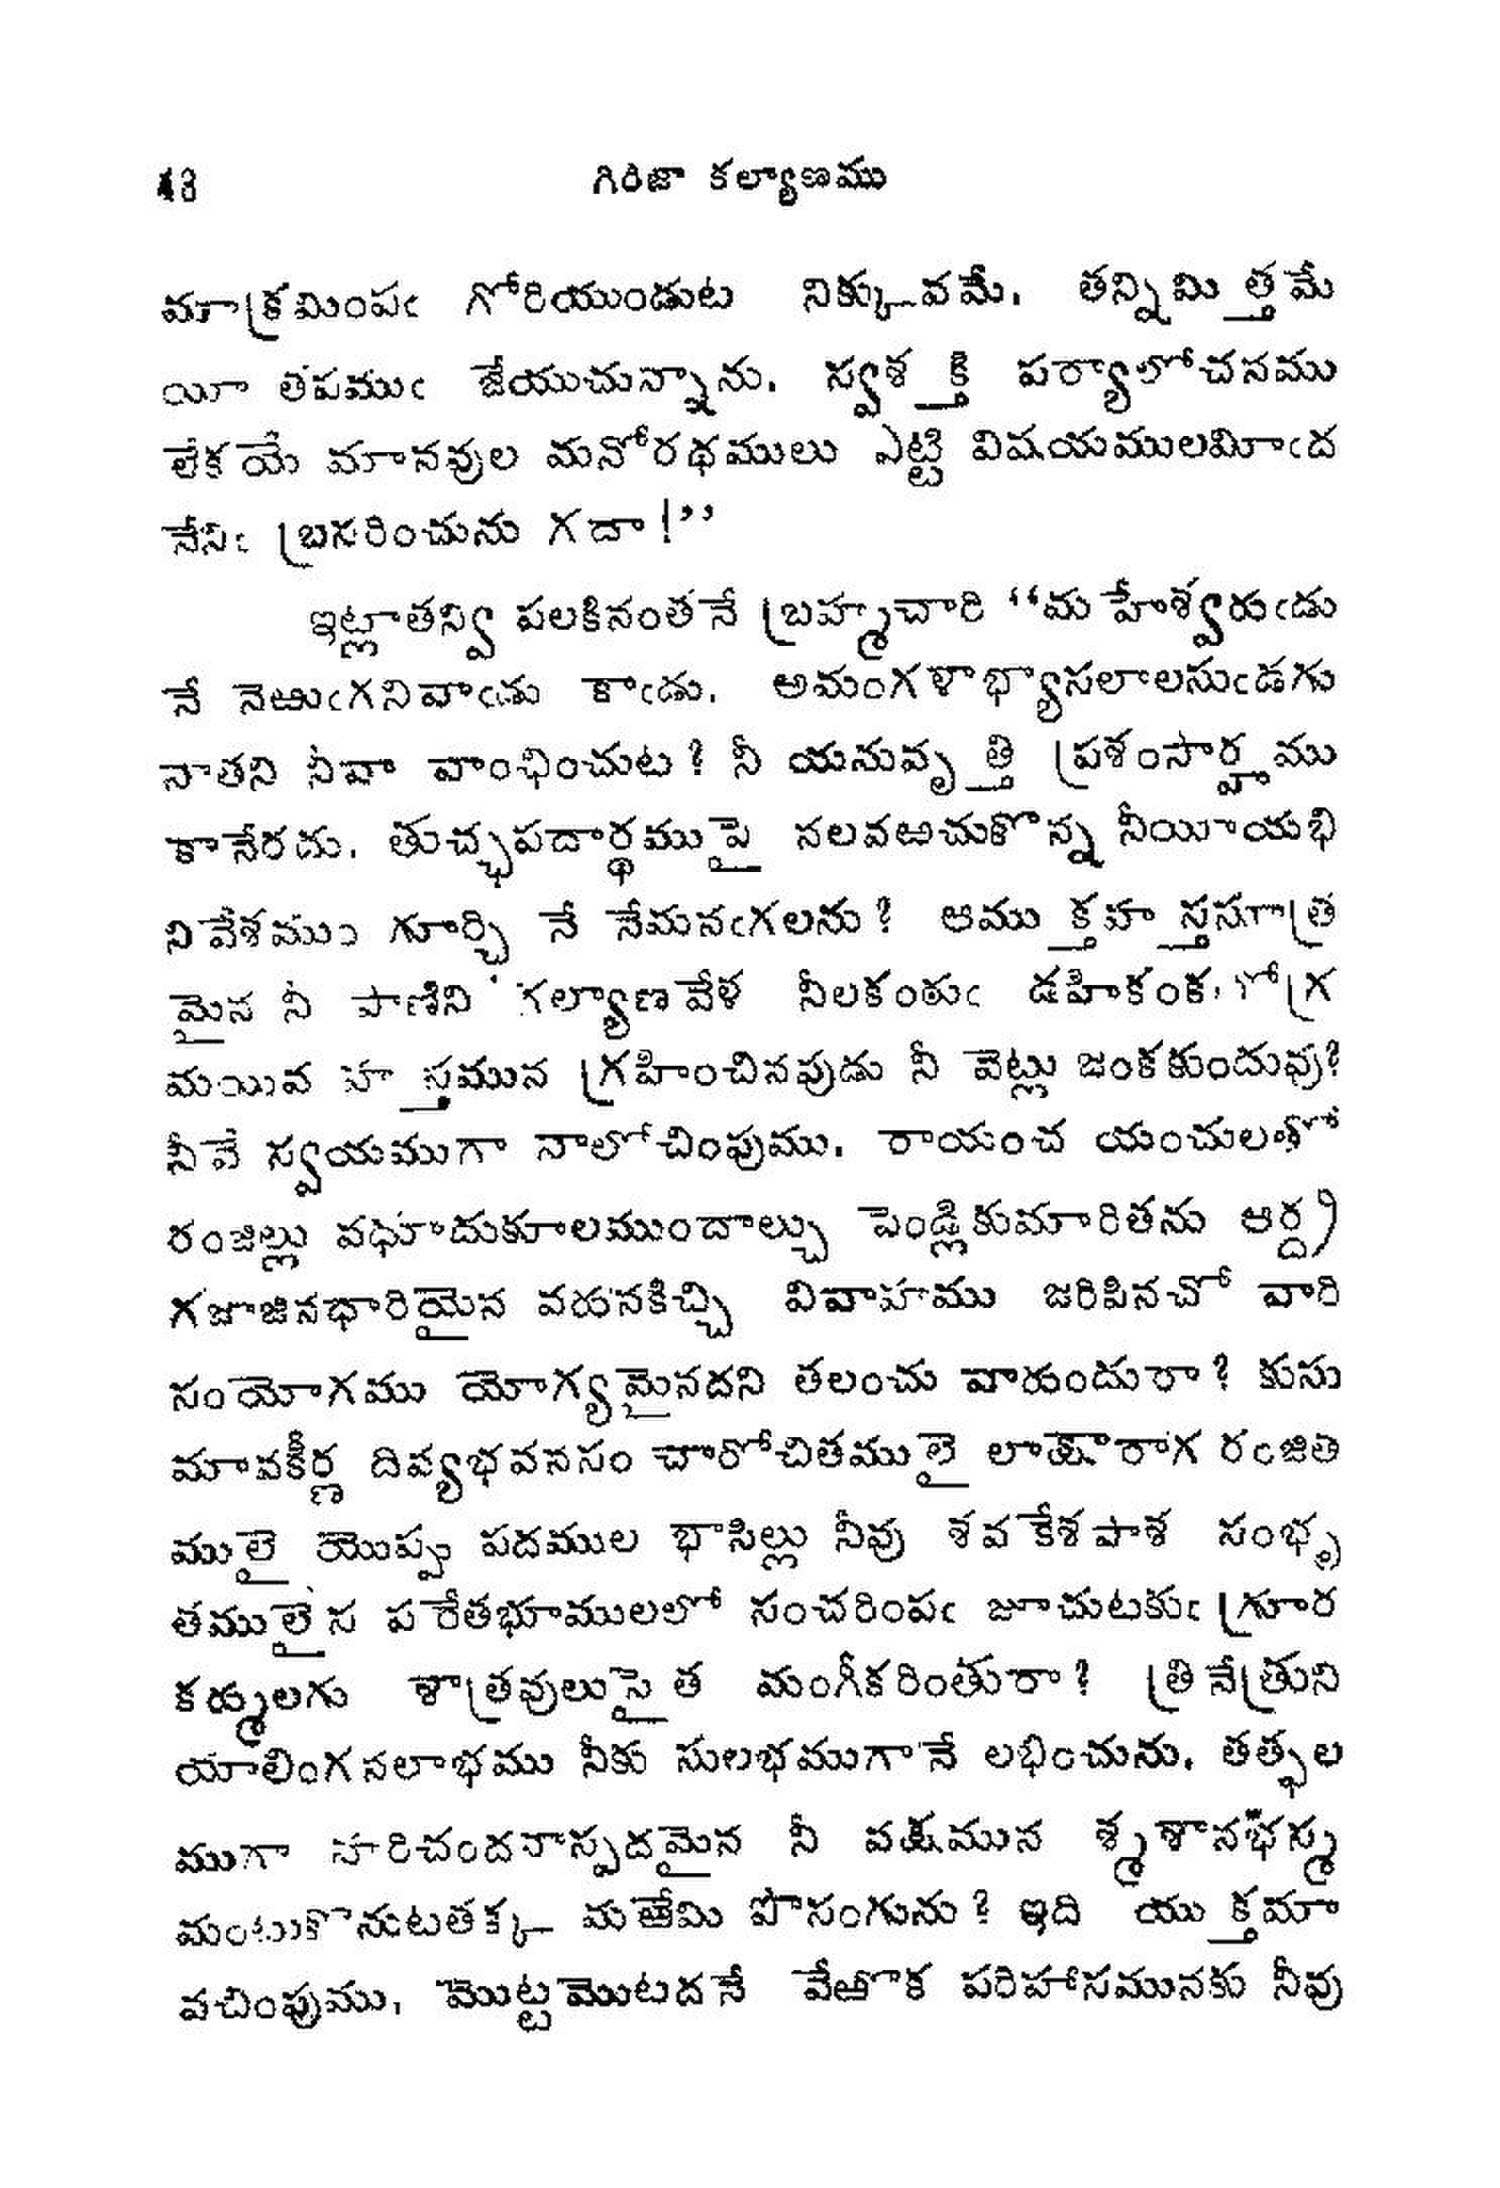మాక్రమింపఁ గోరియుండుట నిక్కు వమే, తన్నిమిత్తమే యీ తపముఁ జేయుచున్నాను, స్వశక్తి పర్యాలోచనము లేకయే మానవుల మనోరథములు ఎట్టి విషయములమీఁద నేనిఁ బ్రసరించును గదా!"

ఇట్లాతన్వి పలకినంతనే బ్రహ్మచారి “మహేశ్వరుఁడు నే నెఱుఁగనివాడు కాడు. అమంగళాభ్యాసలాలసుఁడగు నాతని నీవా వాంఛించుట ? నీ యనువృత్తి ప్రశంసార్హము కానేరదు. తుచ్ఛపదార్థము పై ముప్పై నలవఱచుకొన్న నీయీయభి
నివేశముల గూర్చి నే నేమనఁగలను? ఆముక్తహ స్తసూత్రమైన నీ పాణిని గల్యాణ వేళ నీలకంఠుఁ డహికంఠతొగ్రమయిన హస్తమున గ్రహించినపుడు నీ వెట్లు జంకకుందువు? నీవే స్వయముగా నాలోచింపుము. రాయంచ యంచులతో రంజిల్లు వధూదుకూలముందాల్చు పెండ్లికుమారి తను ఆర్ద్ర గజాజీనధారియైన వరునకిచ్చి వివాహము జరిపినచో వారి సంయోగము యోగ్యమైనదని తలంచు వారుందురా? కుసుమావకీర్ణ దివ్యభవనసం చారోచితములై లాక్షా రాగ రంజితములై యొప్పు పదముల భాసిల్లు నీవు శవ కేశపాశ సంభృతములైన పరేతభూములలో సంచరింపఁ జూచుటకుఁ గ్రూరకర్ములను శాత్రవులు సైత మంగీకరింతురా? త్రినేత్రుని యాలింగనలాభము నీకు సులభముగానే లభించును. తత్ఫలముగా హరిచందనా స్పదమైన నీ వక్షమున శ్మశానభస్మ మంటుకొనుటతక్క మఱేమి పొసంగును? ఇది "యుక్తమా వచింపుము, మొట్టమొదటనే వేఱోక పరిహాసమునకు నీవు